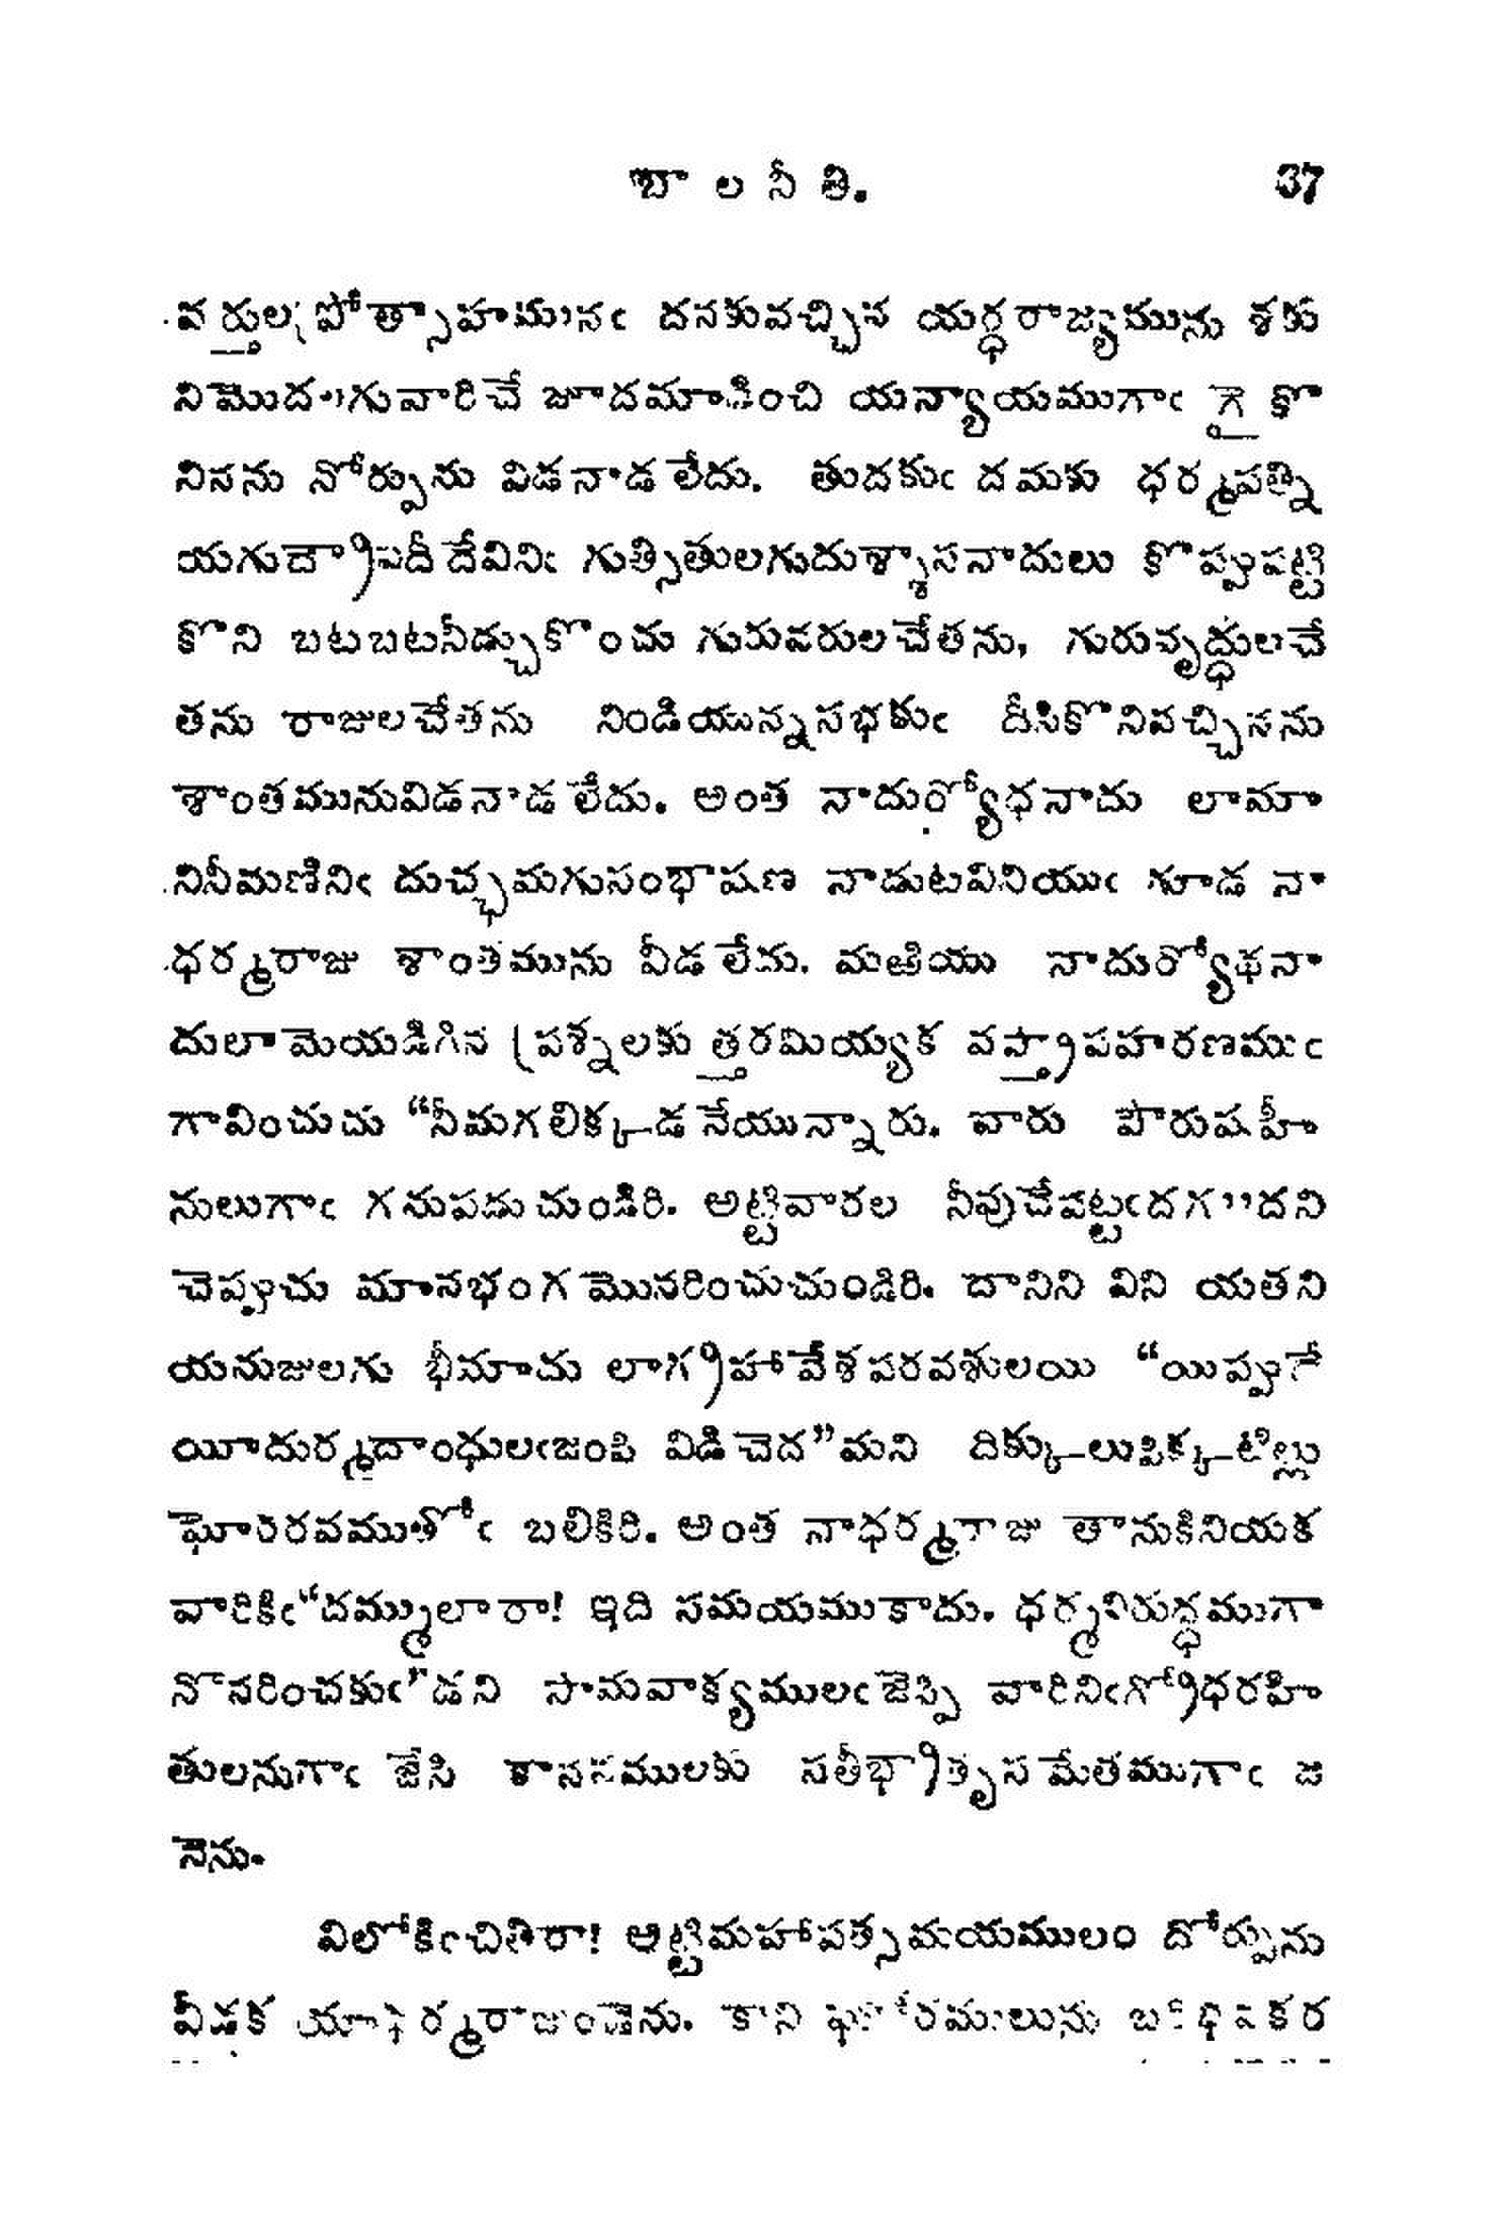వర్తులప్రోత్సాహమునఁ దనకువచ్చిన యర్ధరాజ్యమును శకు
నిమొదలగువారిచే జూదమాడించి యన్యాయముగాఁ గైకొ
నినను నోర్పును విడనాడలేదు. తుదకుఁ దమకు ధర్మపత్ని
యగుద్రౌపదీదేవినిఁ గుత్సితులగుదుశ్శాసనాదులు కొప్పుపట్టి
కొని బటబటనీడ్చుకొంచు గురువరులచేతను, గురువృద్ధులచే
తను రాజులచేతను నిండియున్నసభకుఁ దీసికొనివచ్చినను 
శాంతమునువిడనాడలేదు. అంత నాదుర్యోధనాదు లామా
నినీమణినిఁ దుచ్ఛమగుసంభాషణ నాడుటవినియుఁ గూడ నా
ధర్మరాజు శాంతమును వీడలేదు. మఱియు నాదుర్యోధనా
దులామెయడిగిన ప్రశ్నలకుత్తరమియ్యక వస్త్రాపహరణముఁ 
గావించుచు "నీమగలిక్కడనేయున్నారు. వారు పౌరుషహీ
నులుగాఁ గనుపడుచుండిరి. అట్టివారల నీవుచేపట్టఁదగ"దని 
చెప్పుచు మానభంగ మొనరించుచుండిరి. దానిని విని యతని 
యనుజులగు భీమాదు లాగ్రహావేశపరవశులయి "యిప్పుడే 
యీదుర్మధాంధులఁజంపి విడిచెద"మని దిక్కులుపిక్కటిల్లు 
ఘోరరవముతోఁ బలికిరి. అంత నాధర్మరాజు తానుకినియక 
వారికిఁ "దమ్ములారా! ఇది సమయముకాదు. ధర్మవిరుద్ధముగా 
నొనరించకుఁ"డని సామవాక్యములఁజెప్పి వారినిఁగ్రోధరహి
తులనుగాఁ జేసి కాననములకు సతీభ్రాతృసమేతముగాఁ జ
నెను..

విలోకించితిరా! అట్టిమహాపత్సమయములం దోర్పును 
వీడక యాధర్మరాజుండెను. కాని ఘోరములును బరిభవకర